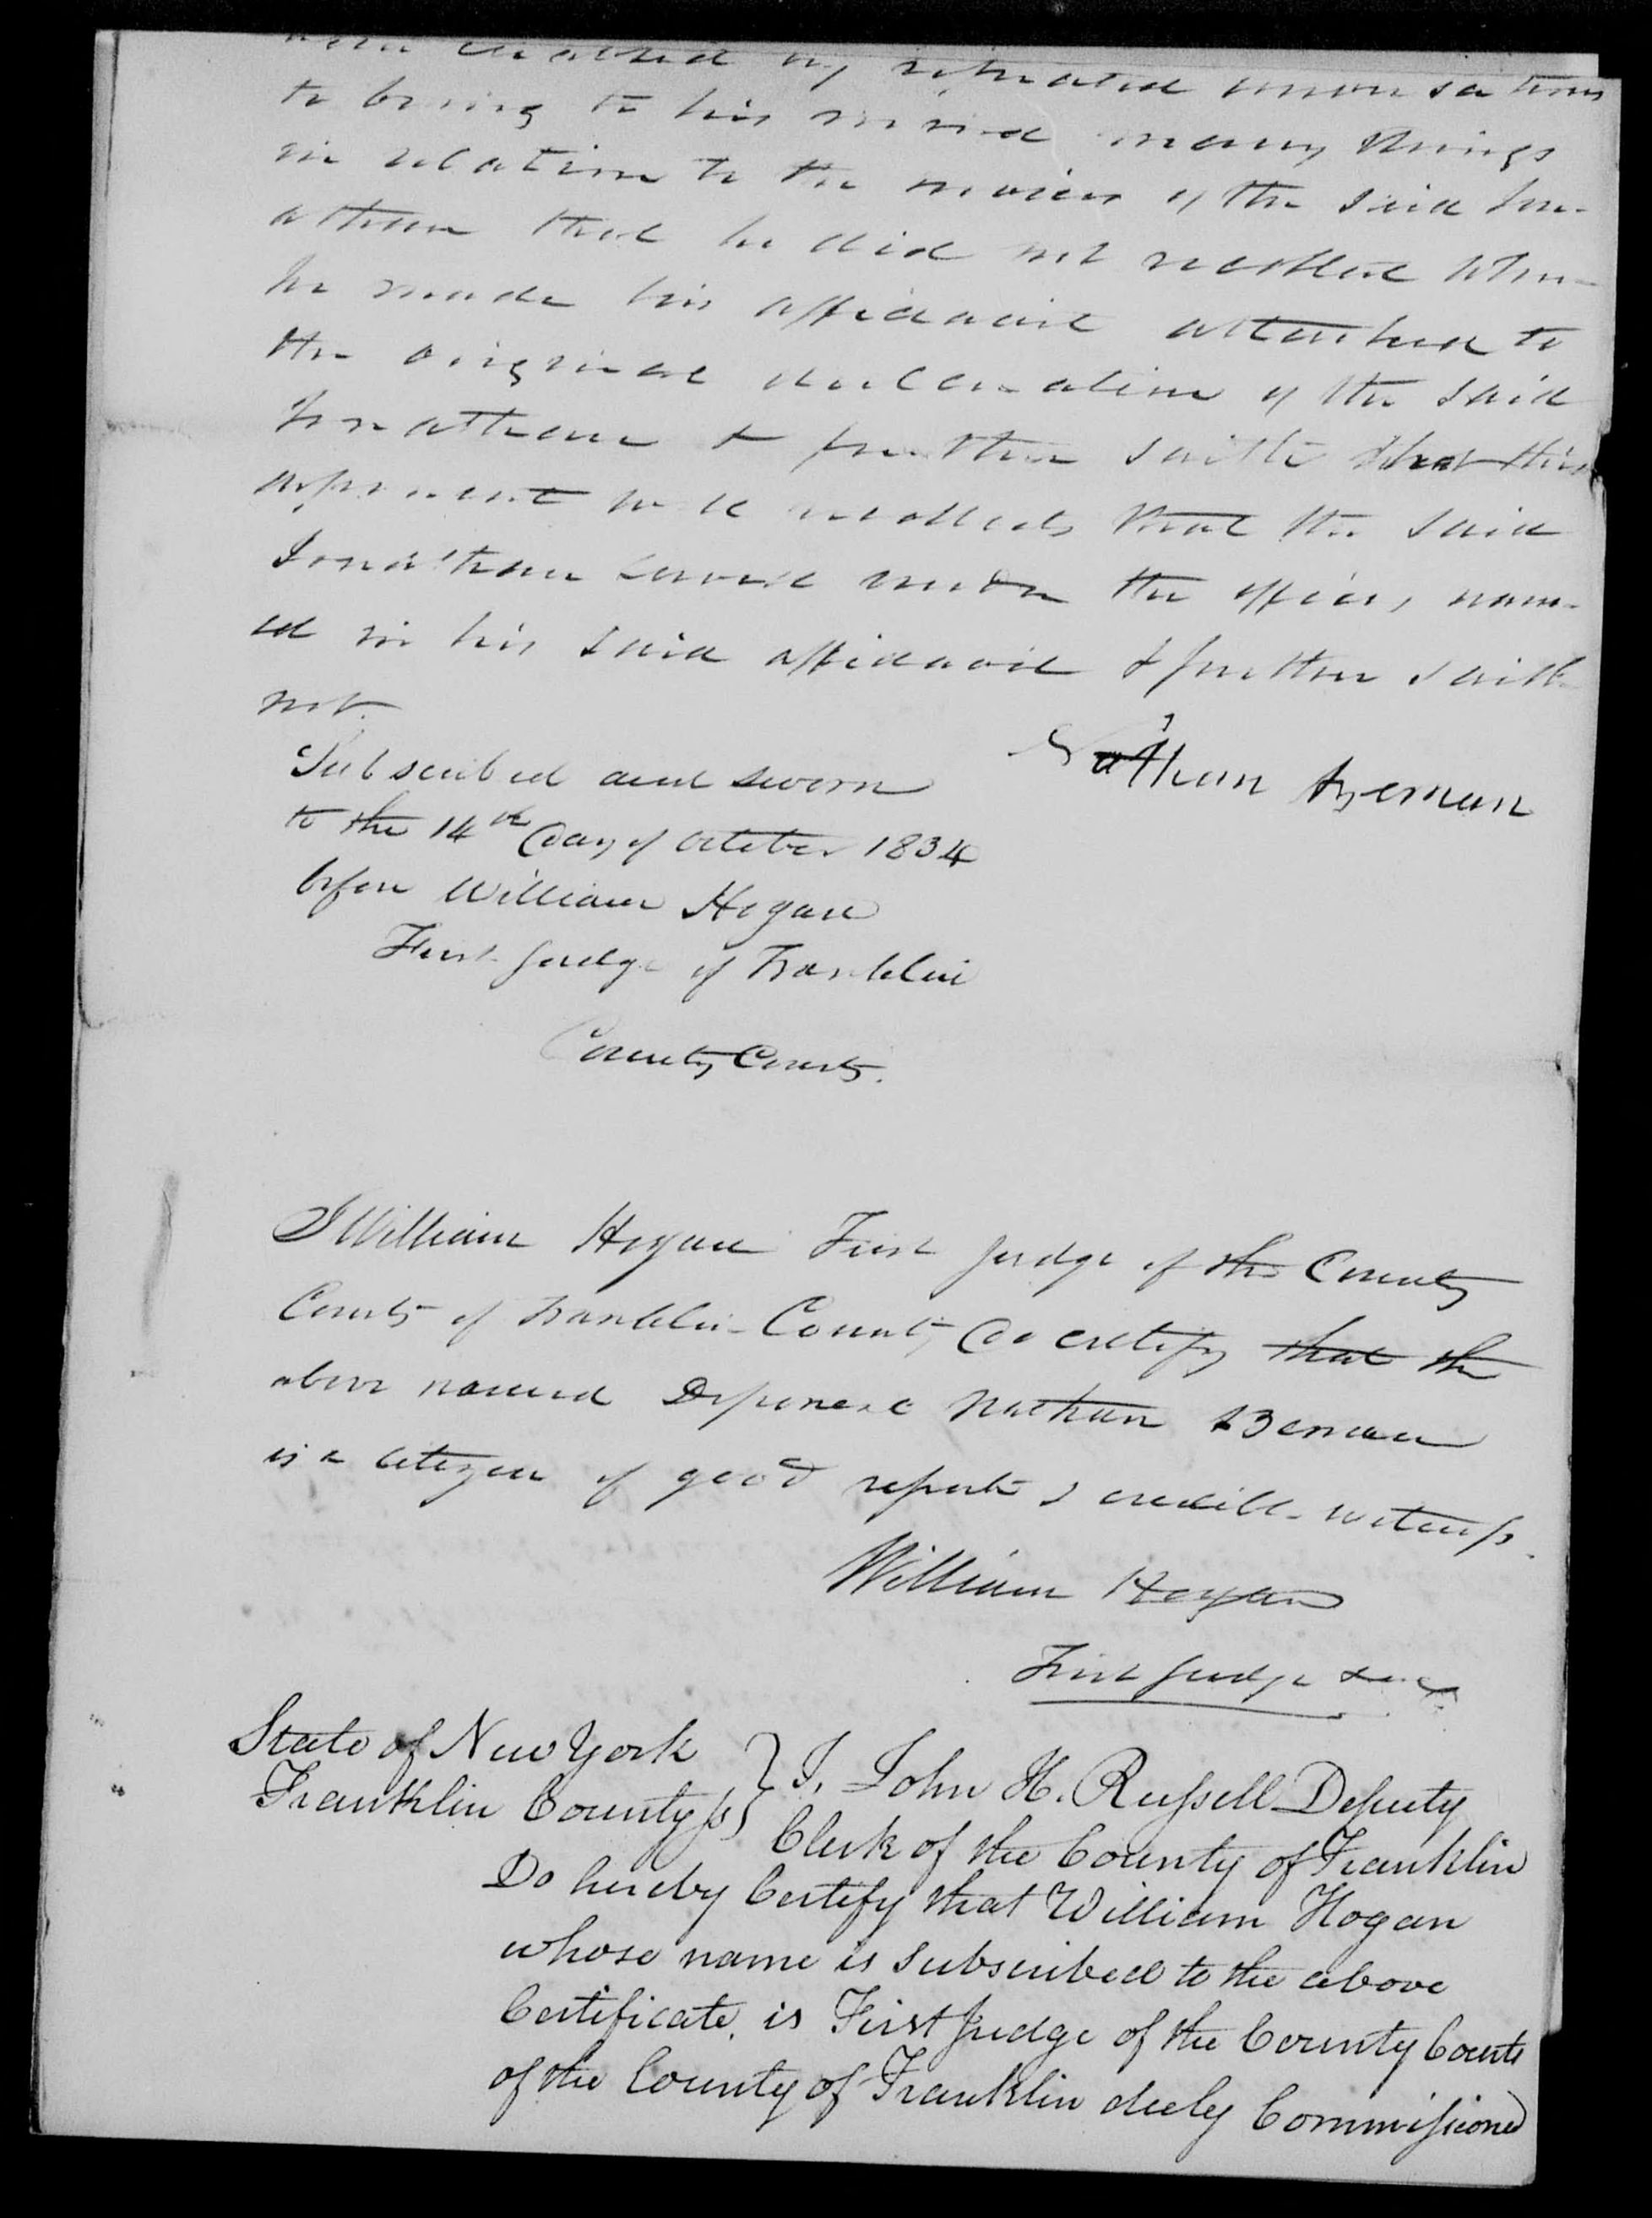to bring to his mind many things
in relation to the means of the said
other that he did not recollect when
he made his affidavit attend to
the original declaration of the said
Jonathan & further saith that this
deponent recollects the said Nathan Berman in his said affidavit & further saith not.
                               Nathan Azeman

Subscribed and sworn to the 14th day of October 1834 before William Hegan
First Judge of Franklin County Court


William Hogan First Judge of the County
Court of Franklin County do certify that the
above named Deponent Nathan Beman is a
Citizen of good report & credible witness
     William Hogan
      First Judge & Clerk of the County of Franklin

State of New York
Franklin County 
I John H. Russell, Deputy Clerk of the County of Franklin Do hereby certify that William Hogan whose name is subscribed to the above Certificate is first Judge of the County Courts of Franklin County duly commissioned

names: William Hogan, Jonathan, John H Russell, Jonathan, William Hogan, William Hogan, Nathan Azeman, William Hogan, Jonathan, Nathan Bernan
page: 23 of 40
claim: rejected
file: R. 1558, Jonathan Butterfield, Mass. Vt.